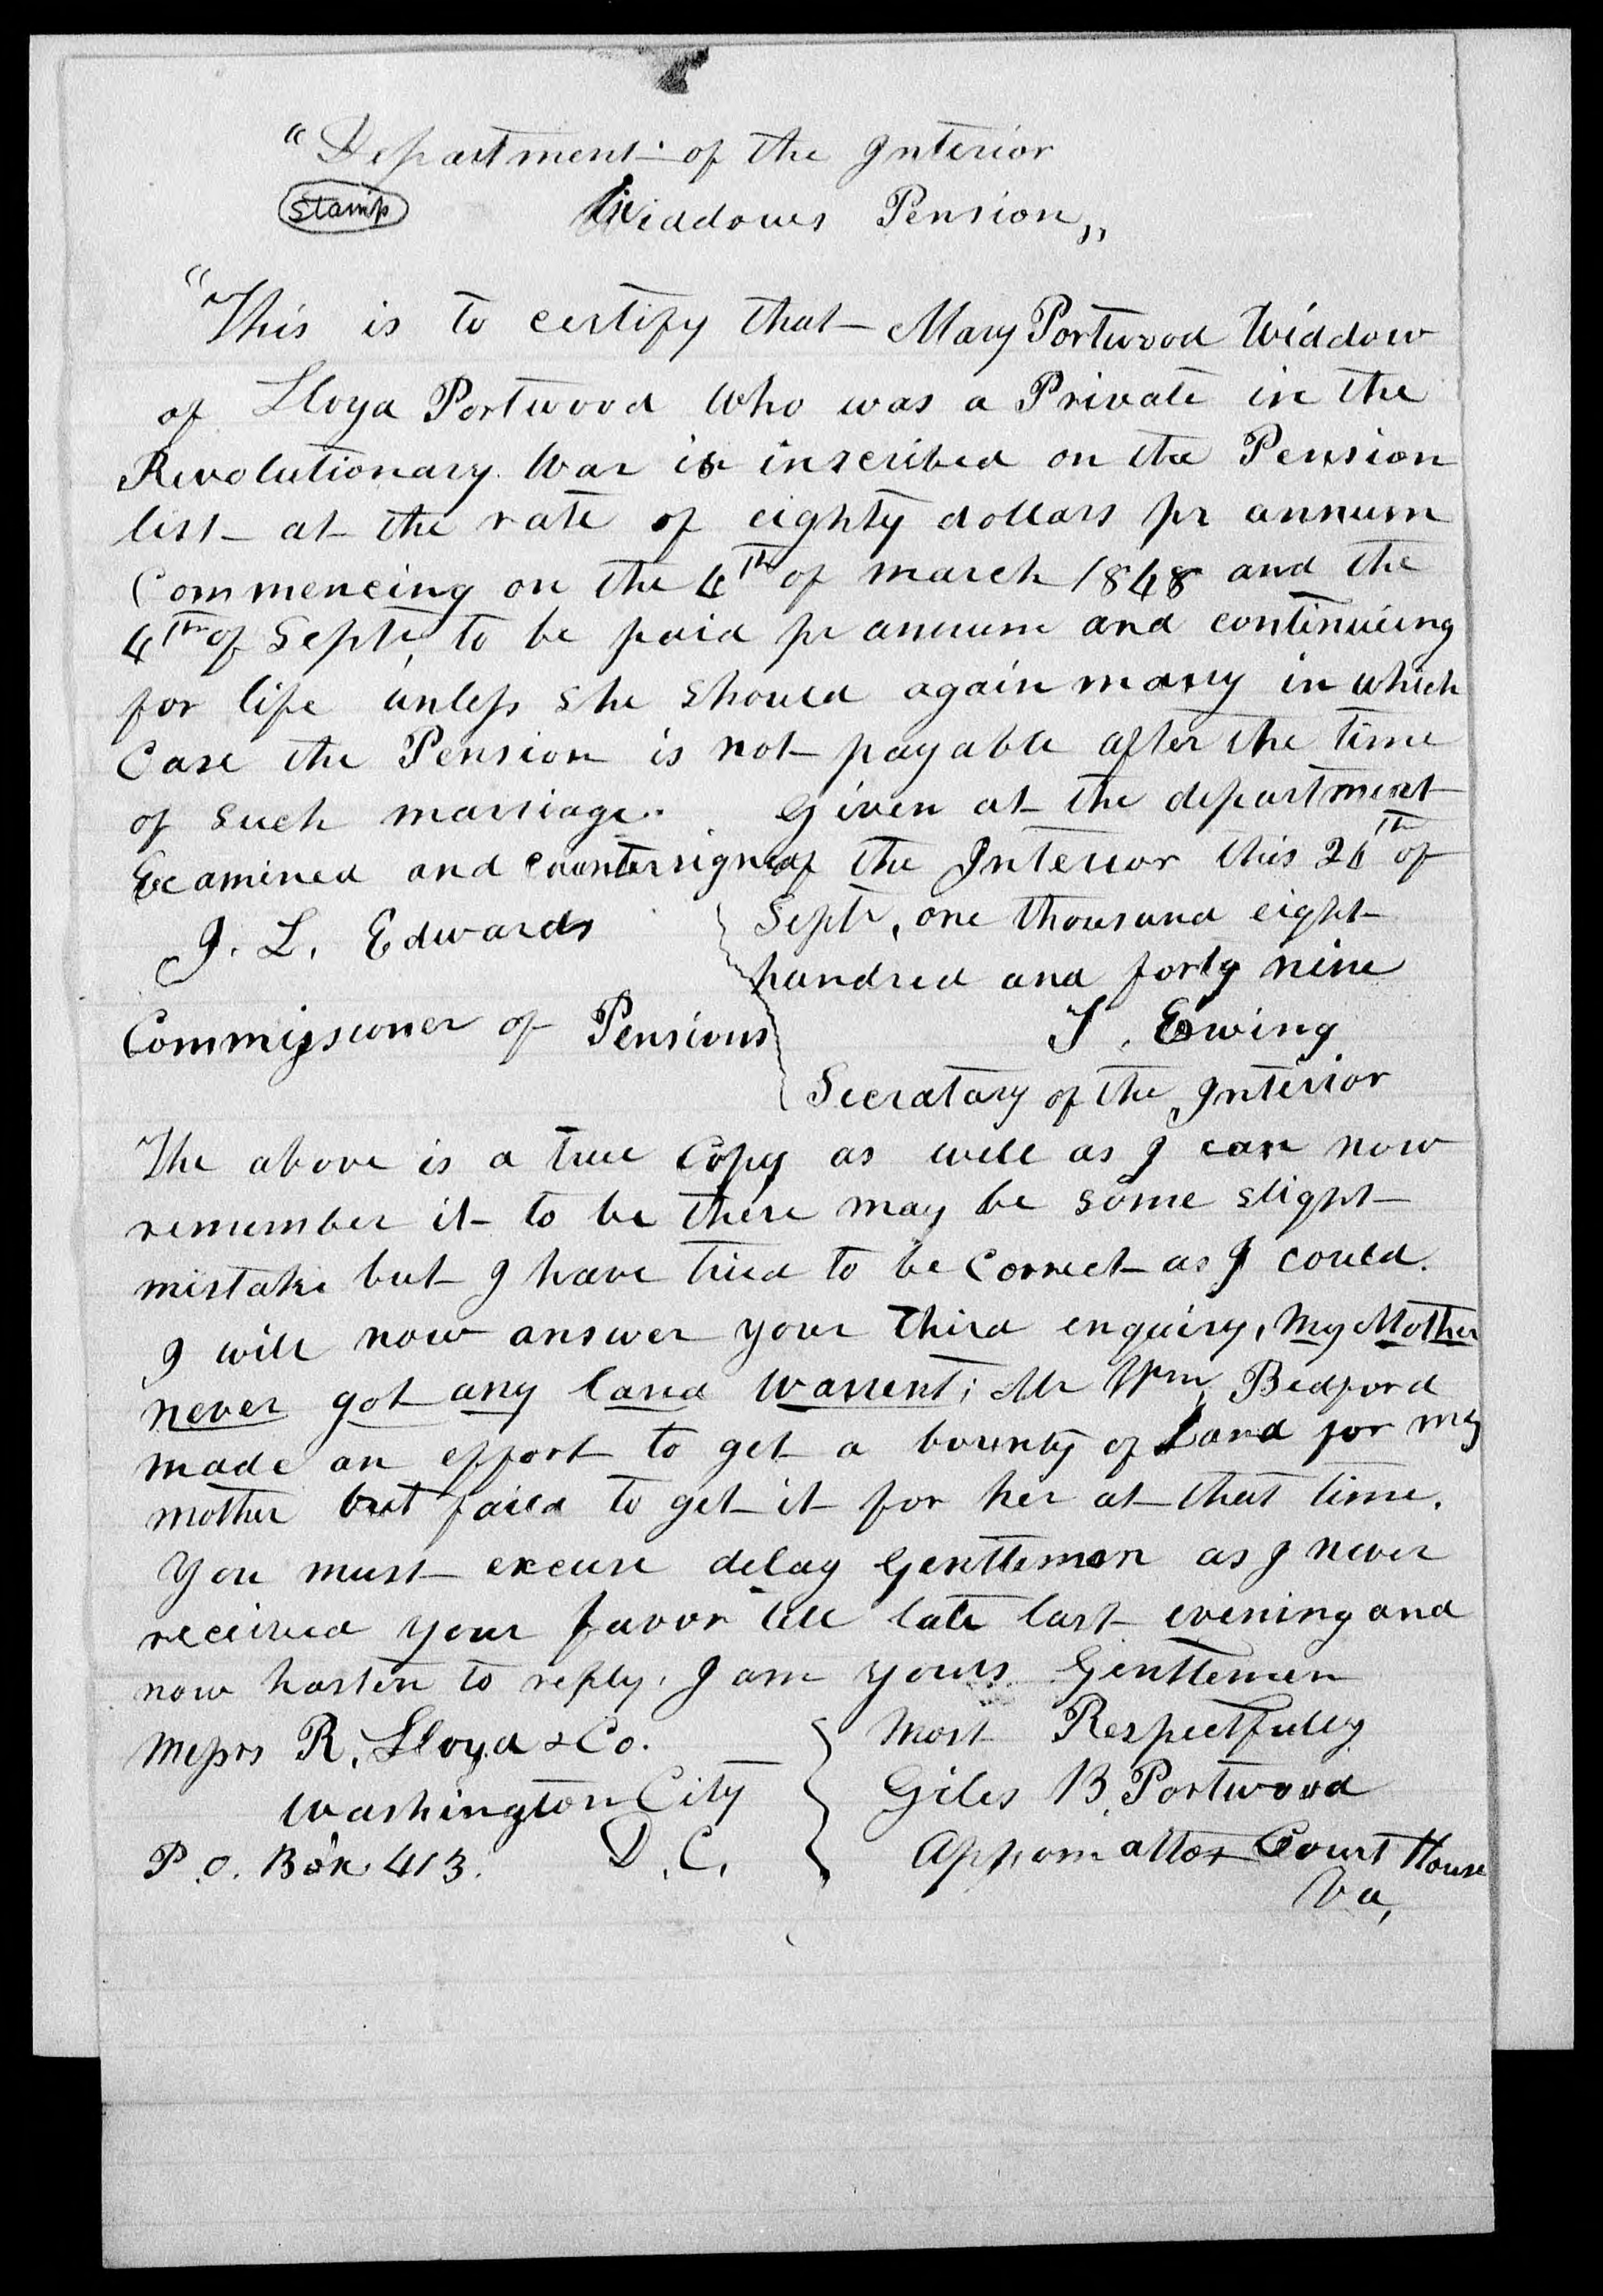"Department of the Interior
Stamp | Widdows Pension,,
"This is to certify that Mary Portwood Widdow
of Lloyd Portwood who was a Private in the
Revolutionary War is inscribed on the Pension
list at the rate of eighty dollars pr annum
Commencing on the 4th of March 1848 and the
4th of Sept, to be paid pr annum and continuing
for life unless she should again marry in which
case the Pension is not payable after the time
of such marriage. given at the department
Examined and countersigned the Interior this 24th of
J. L. Edwards | Sept, one thousand eight
| hundred and forty nine
Commissioner of Pensions | T. Ewing
| Secretary of the Interior
The above is a true copy as well as I can now
remember it to be there may be some slight
mistake but I have tried to be correct as I could.
I will now answer your third enquiry, my Mother
never got any land warrent, Mr Wm Bedford
made an effort to get a bounty of Land for my
mother but failed to get it for her at that time.
You must excuse delay Gentleman as I never
received your favor till late last evening and
now hasten to reply. I am yours Gentlemen
Messrs R. Lloyd & Co. | Most Respectfully
Washington City | Giles B. Portwood
P.O. Box 413 | D. C. | Appomattox Court House
| Va.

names: T Ewing; Lloyd Portwood; Mary Portwood; Wm Bedford; R Lloyd; J L Edwards; Giles B Portwood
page: 34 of 50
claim: widow's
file: W. 1929, for Lloyd Portwood, Virginia